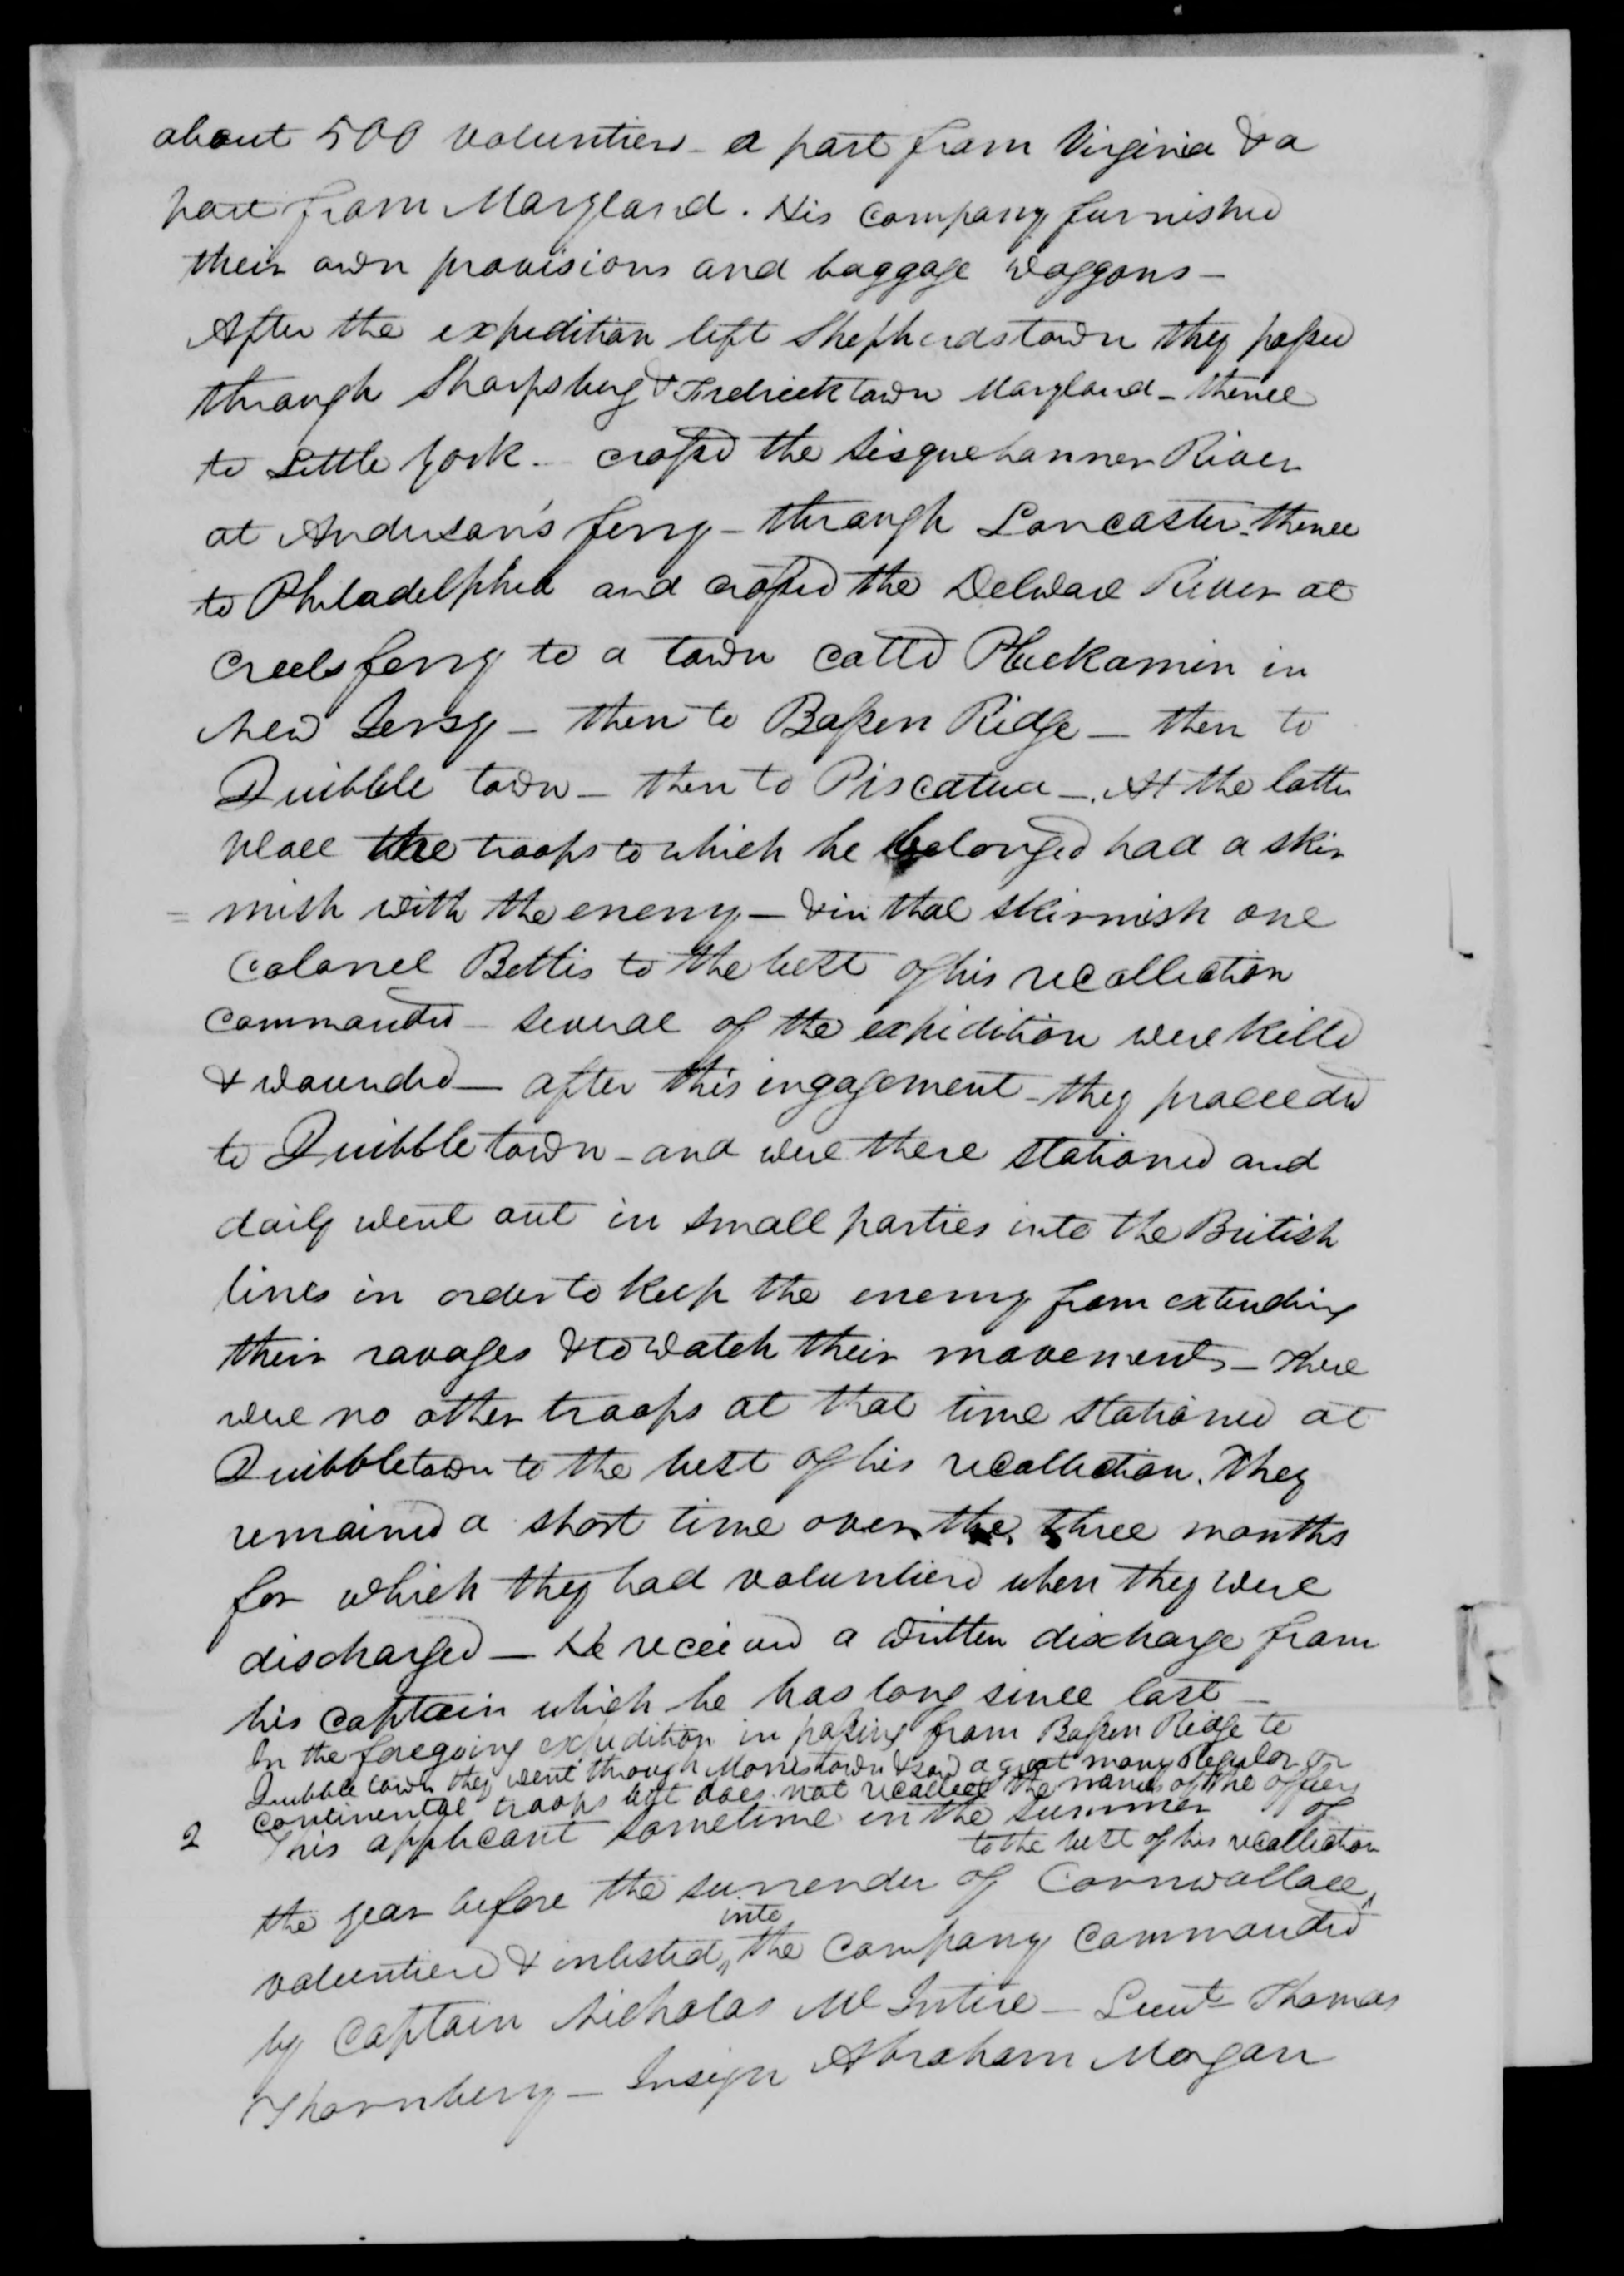about 500 volunteers - a part from Virginia & a part from Maryland. His Company furnished their own provisions and baggage waggons -
After the expedition left Shepherdstown they passed through Sharpsburg & Fredericktown Maryland - thence to Little York - crossed the Sisquehanner River at Anderson's ferry - through Lancaster - thence to Philadelphia and crossed the Delaware River at Creels ferry to a town called Pluckamin in New Jersey - then to Bassen Ridge - then to Quibble town - then to Priscatua - At the latter place the troops to which he belonged had a skirmish with the enemy - & in that skirmish one Colonel Bettis to the best of his recollection commanded - several of the expedition were killed & wounded - after this engagement they proceeded to Quibbletown - and were there stationed and daily went out in small parties into the British lines in order to keep the enemy from extending their ravages & to watch their movements - There were no other troops at that time stationed at Quibbletown to the best of his recollection. They remained a short time over the three months for which they had volunteered when they were discharged - He received a written discharge from his captain which he has long since lost - In the foregoing expedition, in passing from Bassen Ridge to Quibble town they went through Morristown & saw a great many regular or continental troops but does not recollect the names of the officers 
2 This applicant sometime in the summer of ____ to the best of his recollection the year after the surrender of Cornwallis, volunteered & enlisted, into the Company commanded by Captain Nicholas McIntire - Lieut Thomas Thornberry - Insign Abraham Morgan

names: Bettis, Thomas Thornbery, Nicholas Mc Intire, Abraham Morgan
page: 8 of 27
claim: widow's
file: W. 9860, Samuel Torrons, Va.